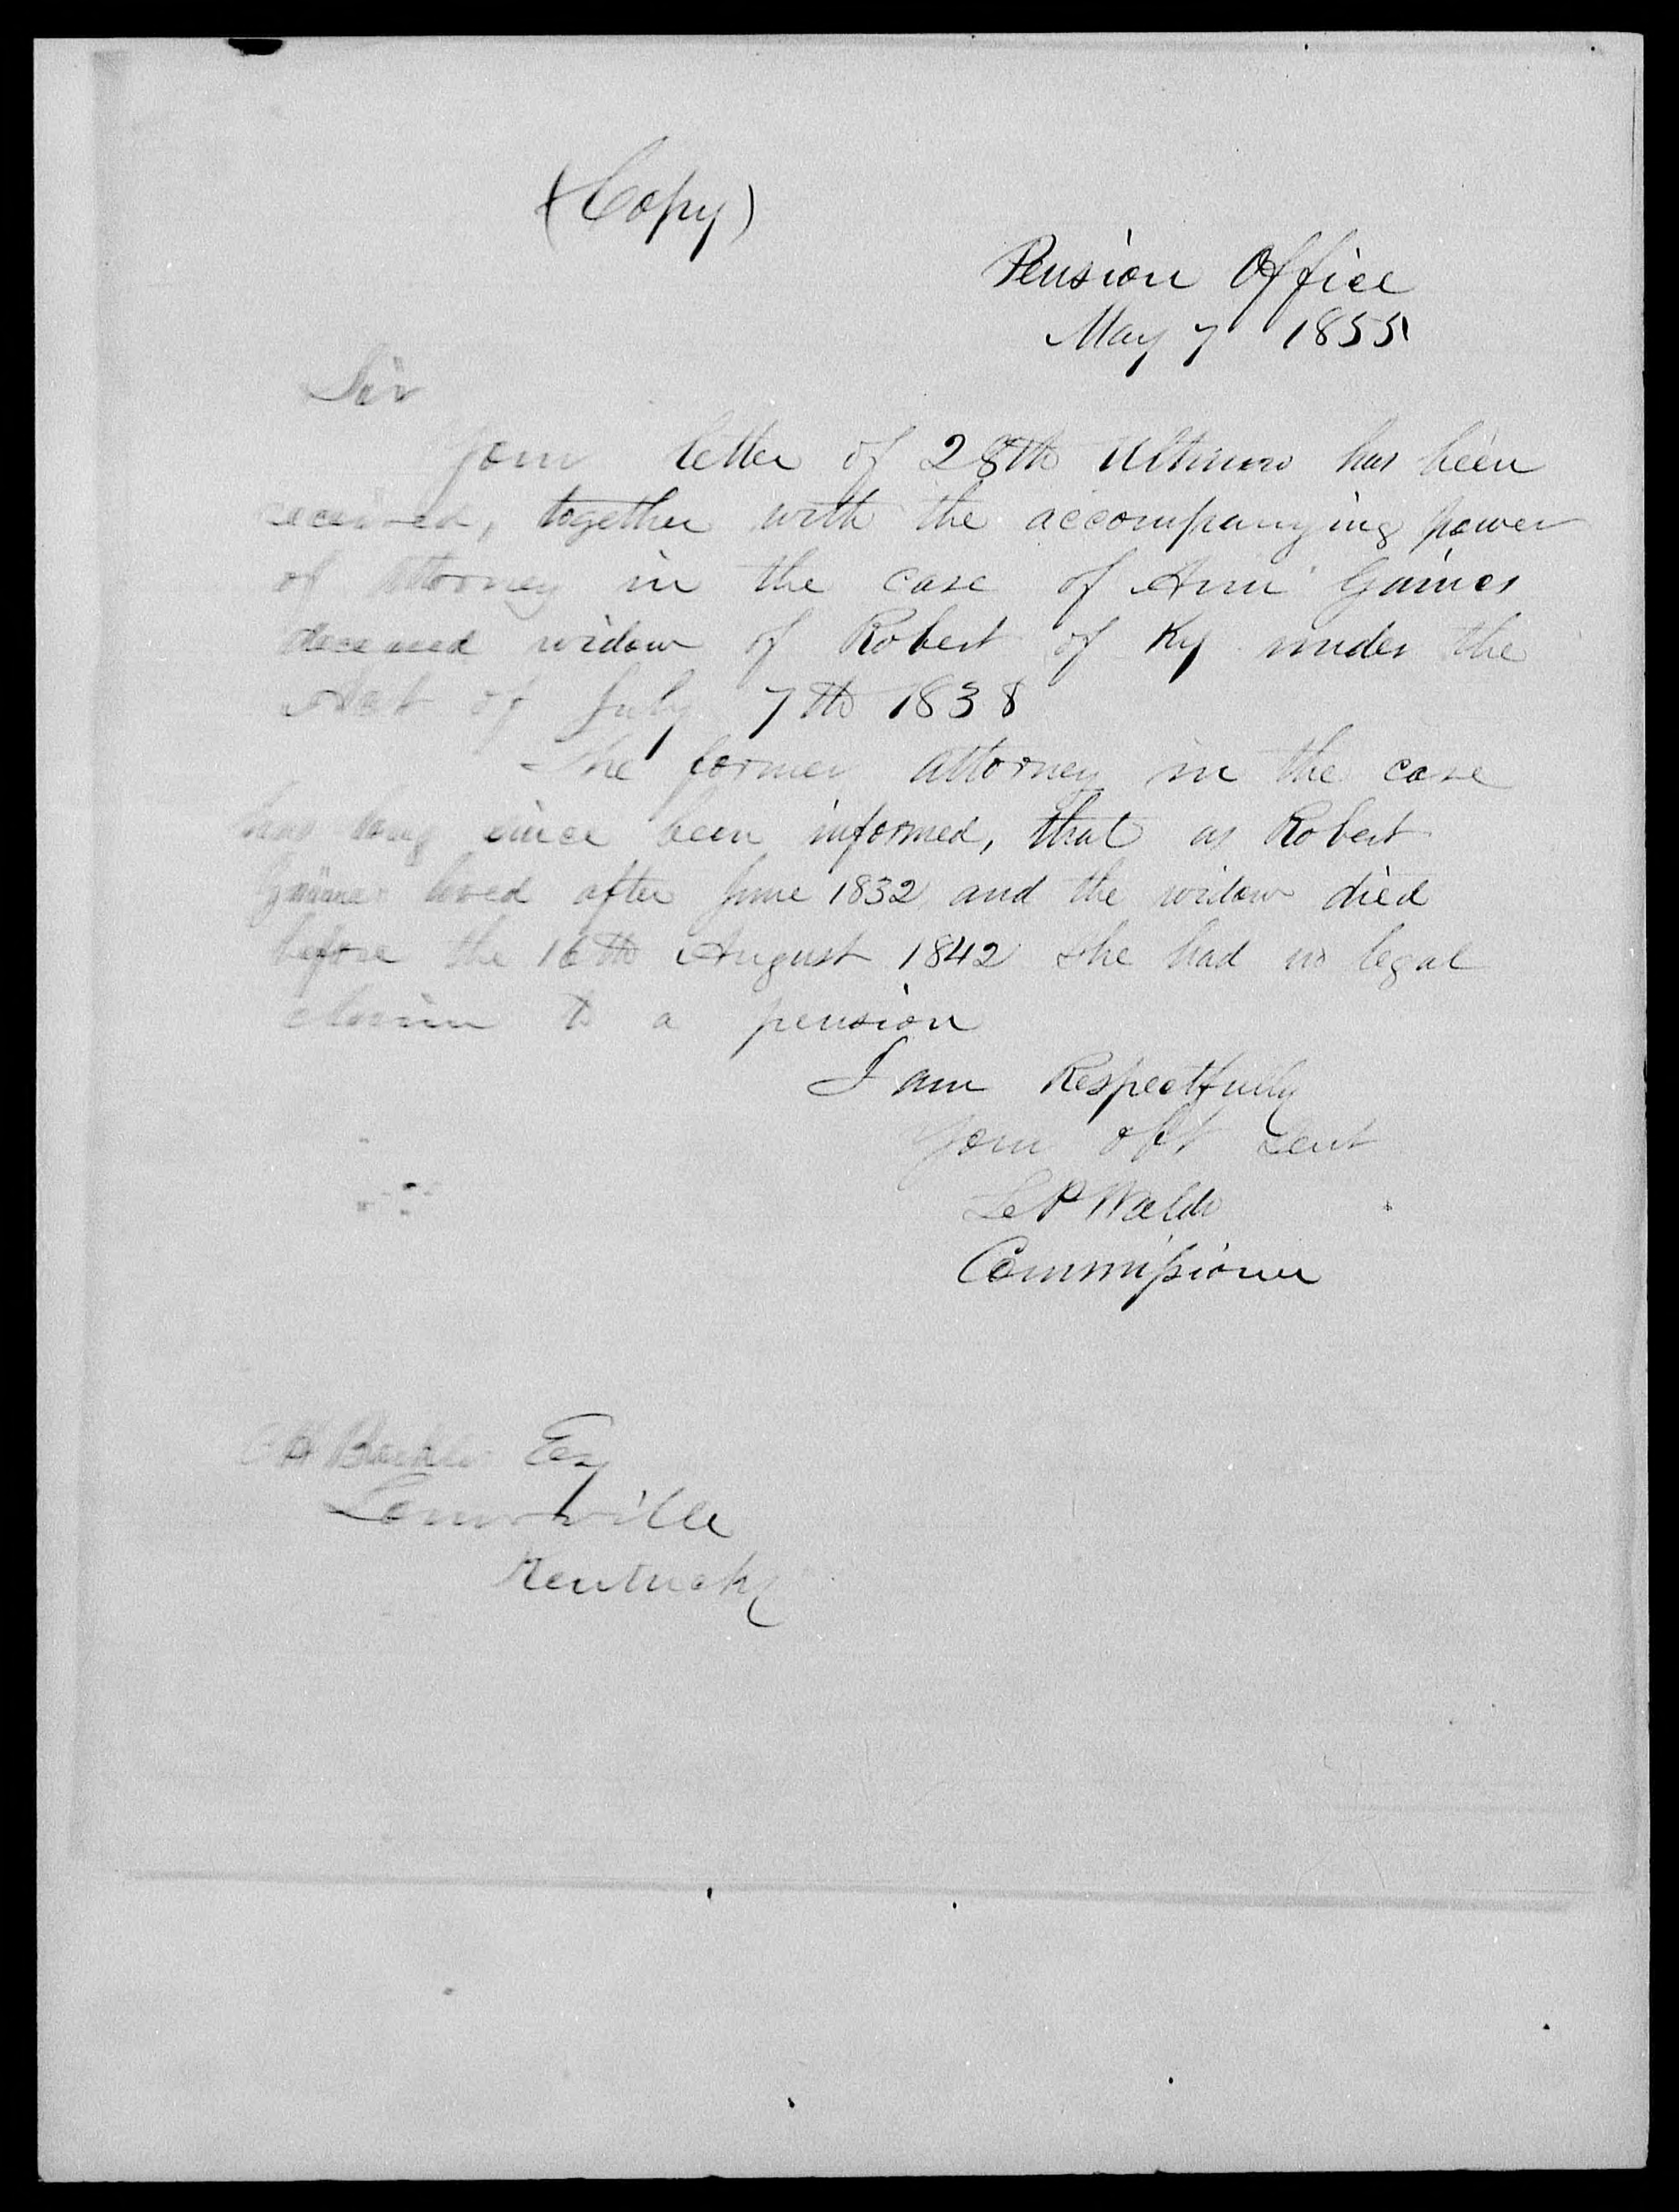(copy)
Pension Office
May 7, 1855
Sir
Your letter of 28th ultimo has been
received, together with the accompanying power
of attorney in the case of Ann Games deceased
widow of Robert of Ky under the act of July
7th, 1838
The former attorney in the case
has long since been informed that, as Robert
Gaines lived after June 1882, and the
widow died before the 16th of August 1842 she
had no legal claim to a pension.
I am Respectfully,
Your Obt Sert
L P Waldo
Commissioner.

C H Barkley Esq.
Louisville
Kentucky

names: Robert Gaines, Ann Gaines, C H Barkley, Robert, L P Waldo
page: 59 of 79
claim: rejected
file: R. 3863, Robert Gaines, Va.